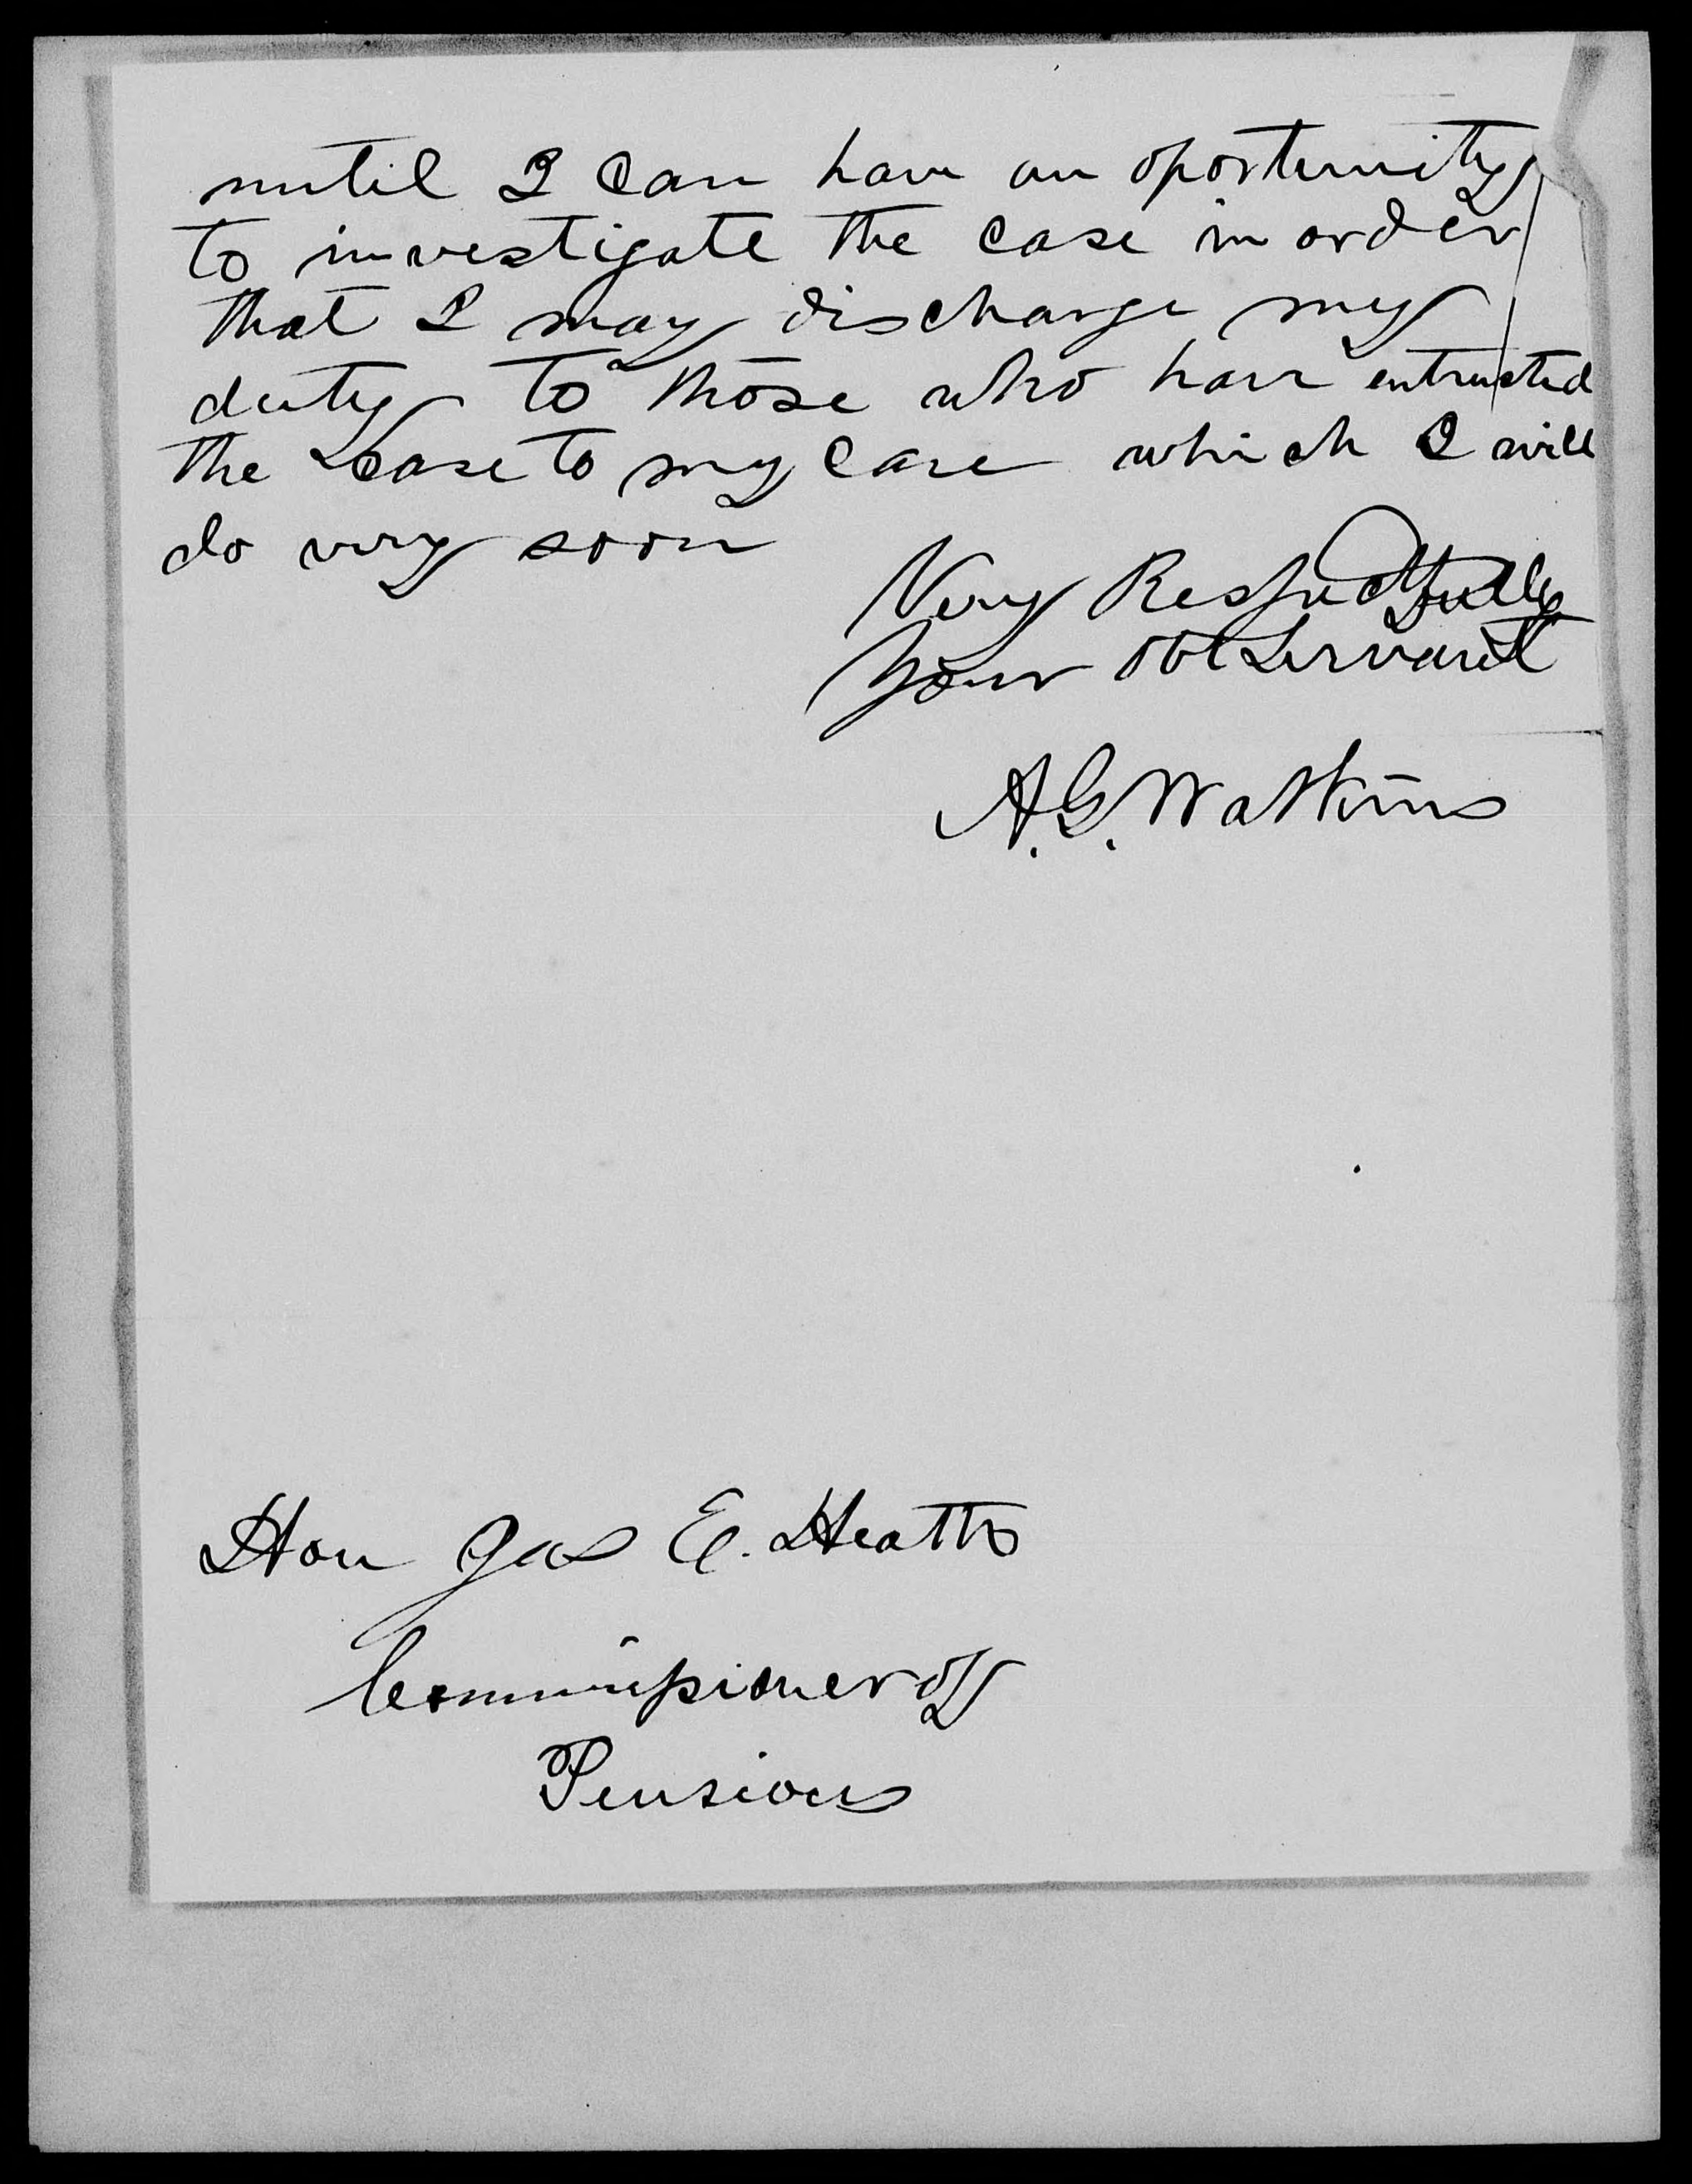until I can have an oportunity [opportunity]
to investigate the case in order
that I may discharge my
duty to those who have entrusted
the case to my case which I will
do very soon
Very Respectfully
Your obt Servant
A. G. Watkins

Hon Jas E. Heath
Commissioner of
Pension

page: 66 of 120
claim: widow's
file: W. 1044, for Salathiel Martin, North Carolina